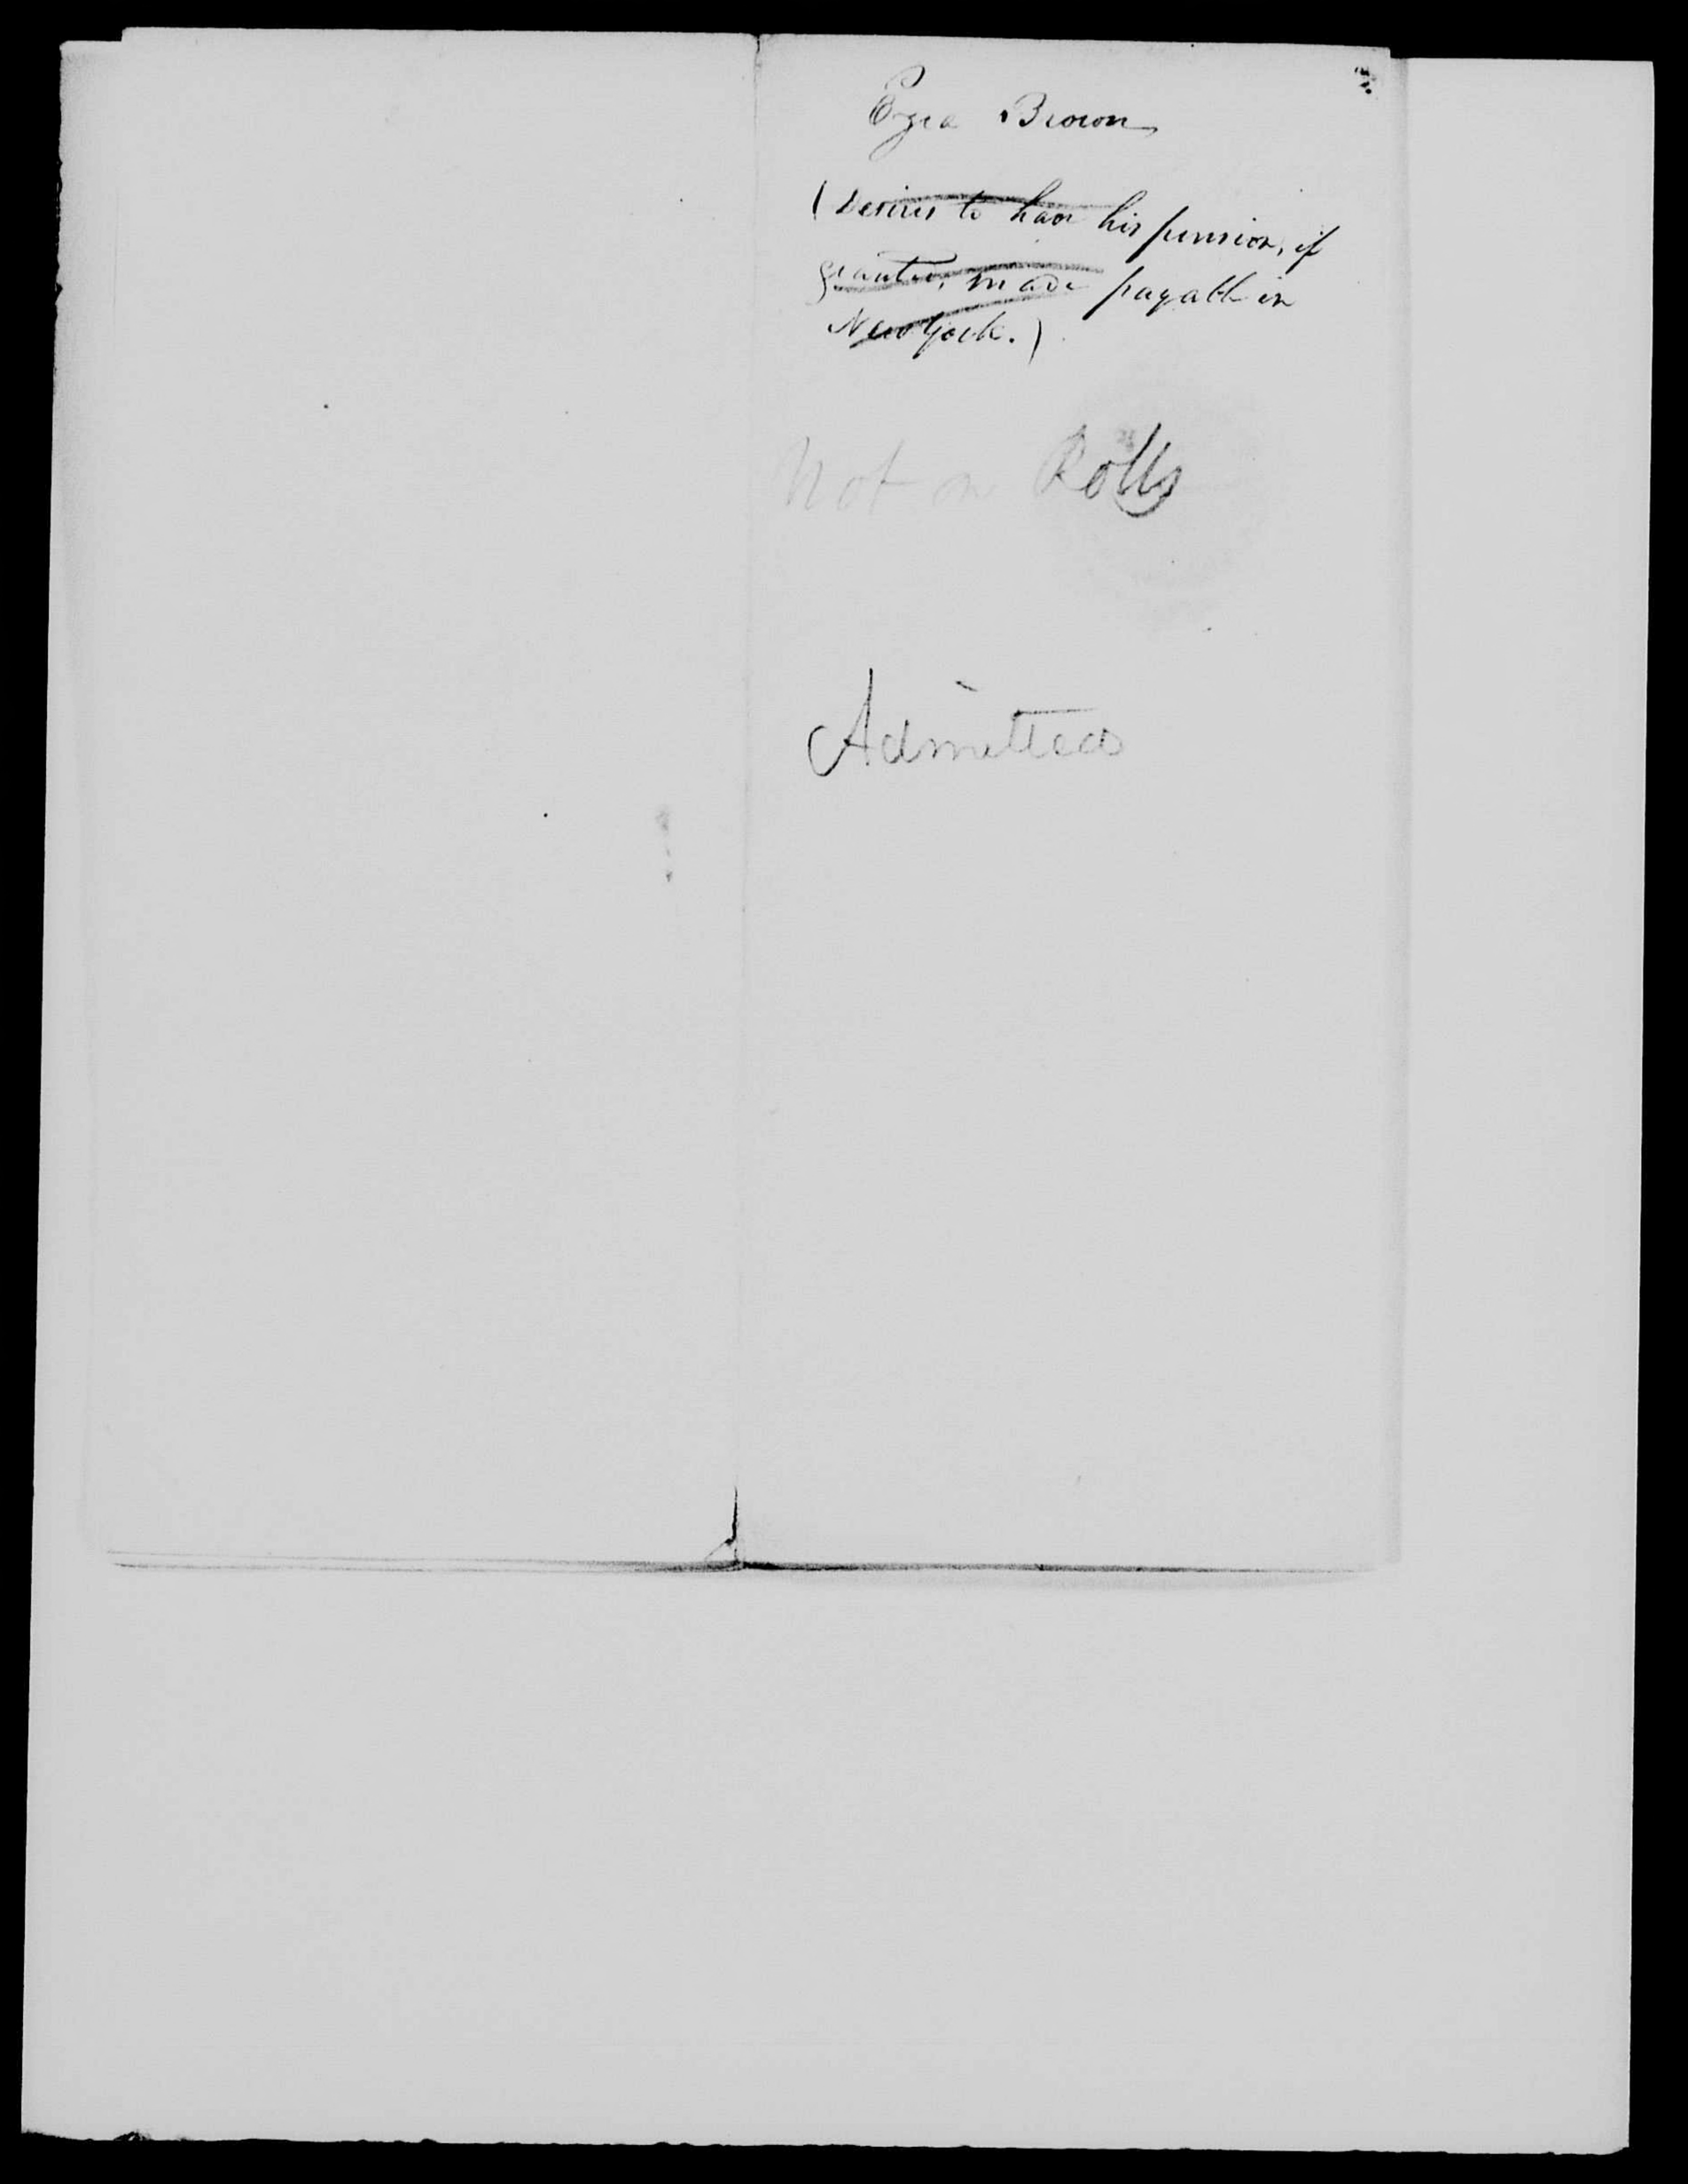Ezra Brown
(desires to have his pension, if
granted, made payable in
New York.)

Not on Rolls

Admitted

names: Ezra Brown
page: 3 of 27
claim: survivor's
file: S. 34,094, Ezra Brown, New Jersey